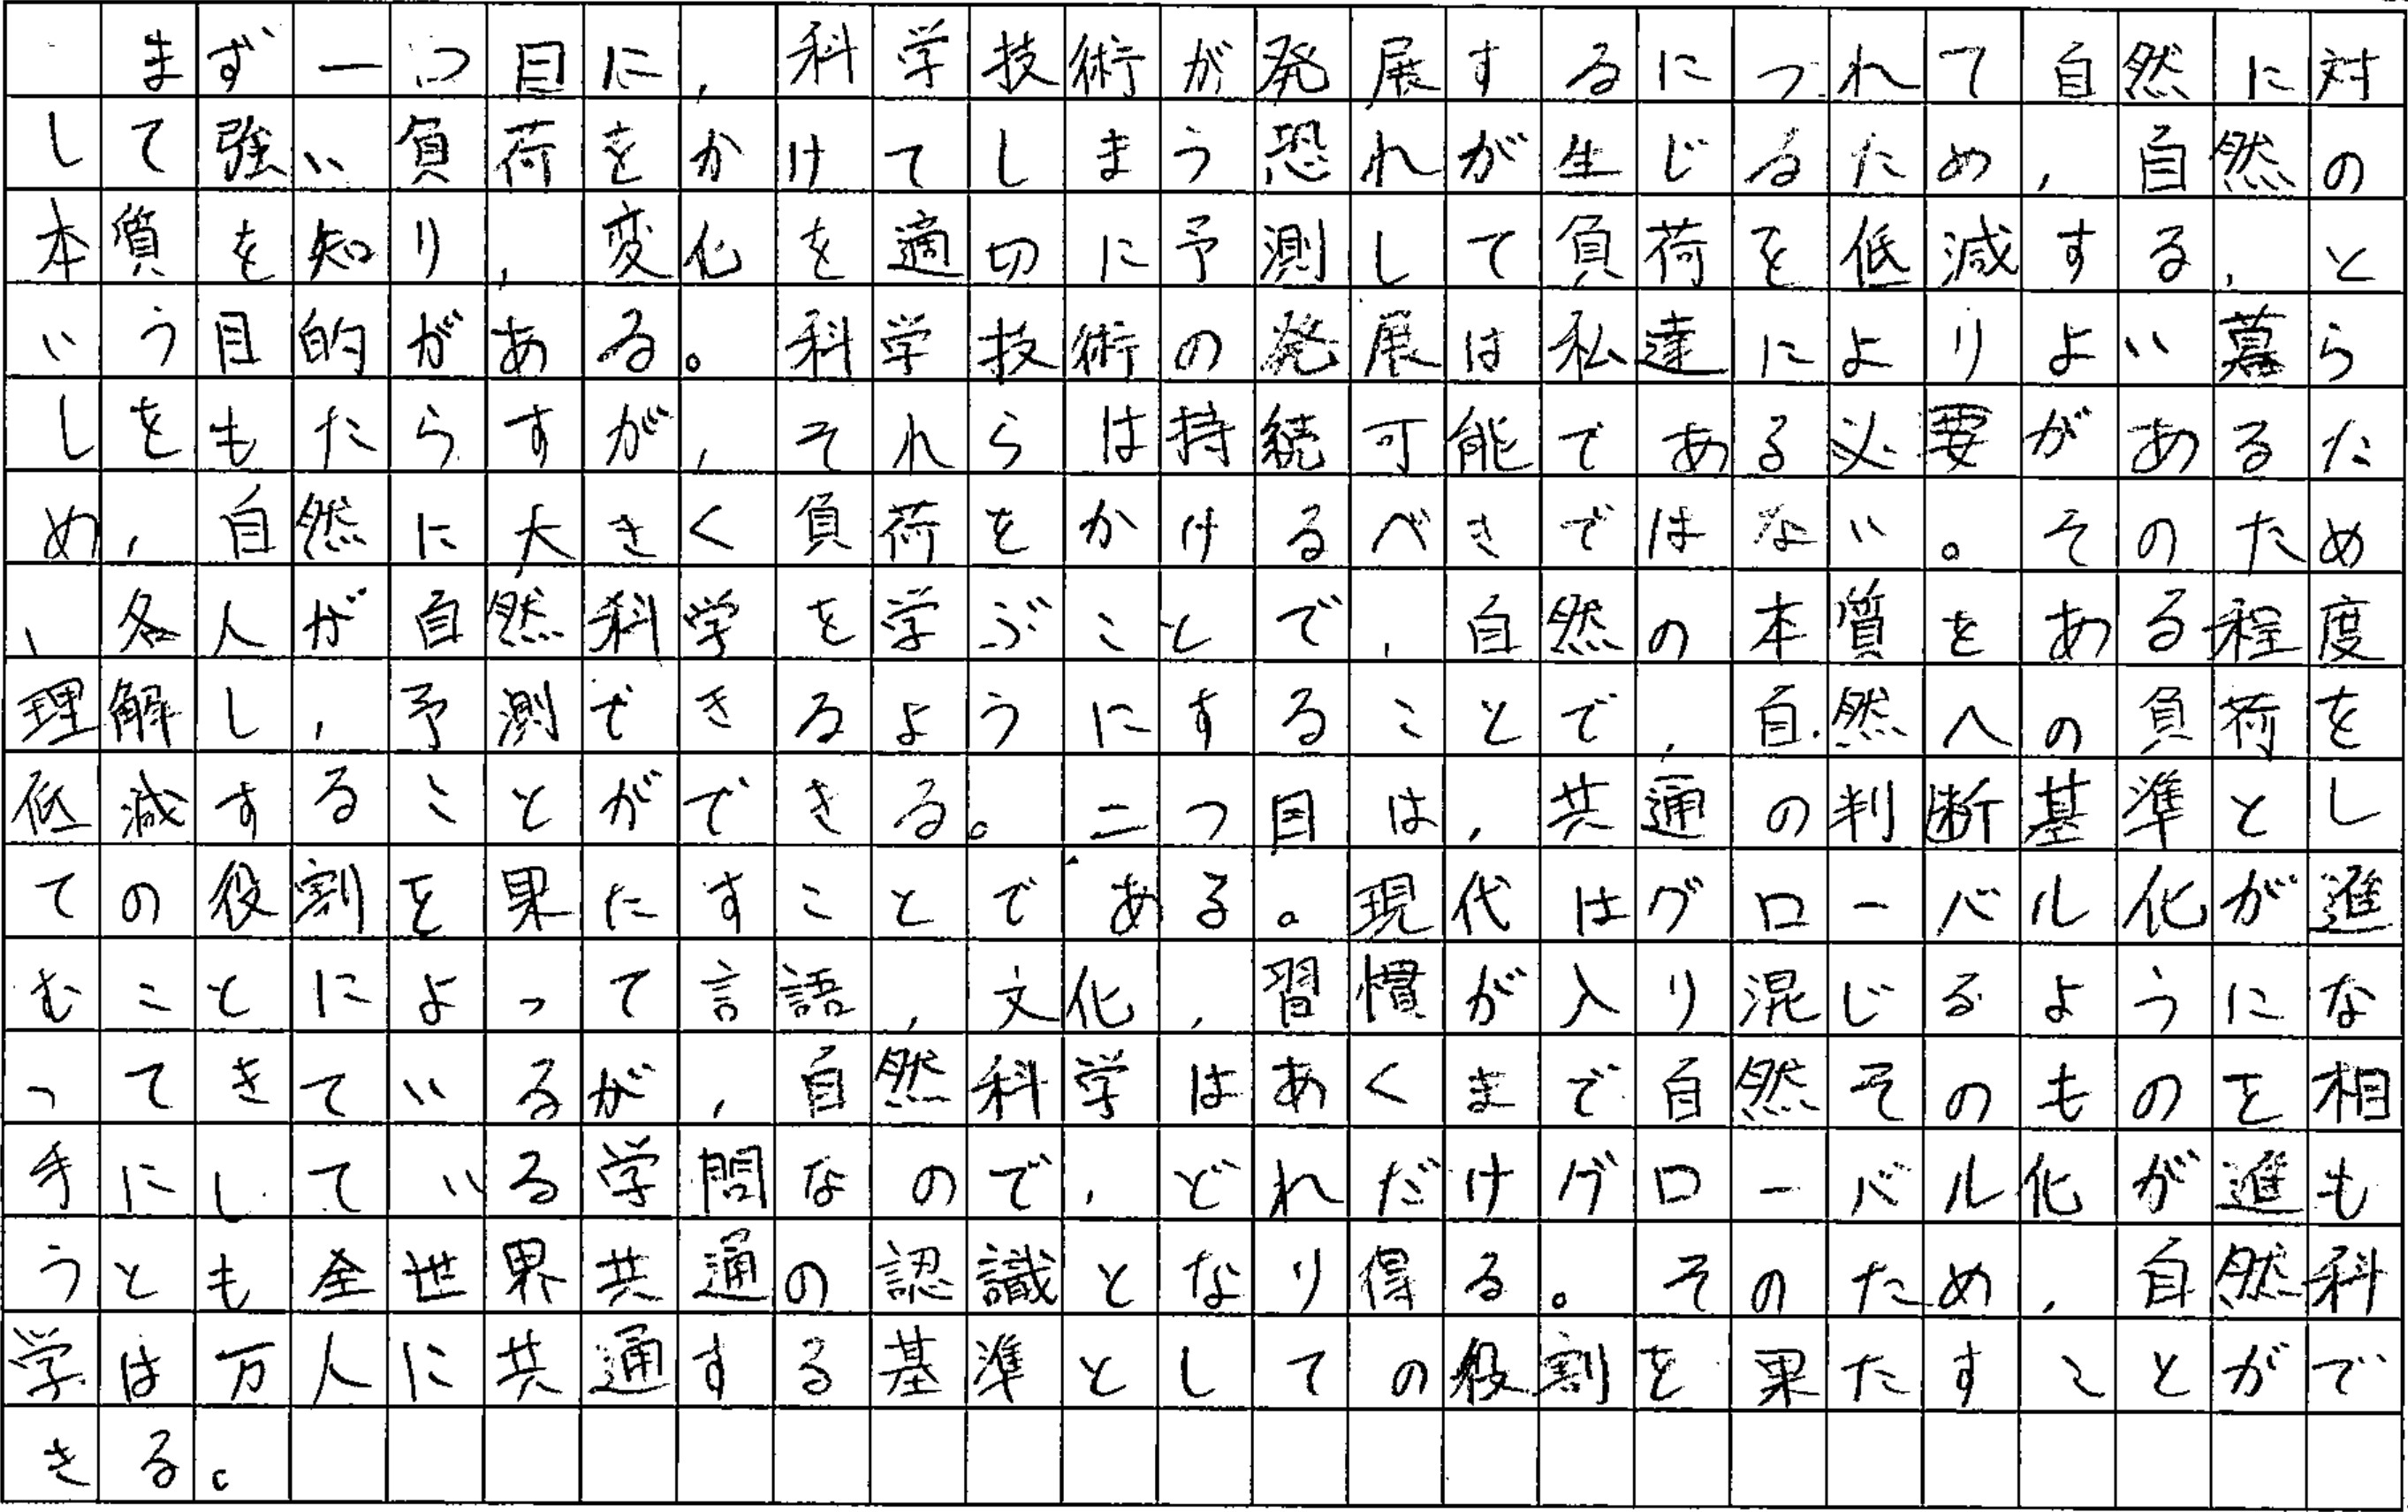　まず一つ目に、科学技術が発展するにつれて自然に対して強い負荷をかけてしまう恐れが生じるため、自然の本質を知り、変化を適切に予測して負荷を低減する、という目的がある。科学技術の発展は私達によりよい暮らしをもたらすが、それらは持続可能である必要があるため、自然に大きく負荷をかけるべきではない。そのため、各人が自然科学を学ぶことで、自然の本質をある程度理解し、予測できるようにすることで、自然への負荷を低減することができる。二つ目は、共通の判断基準としての役割を果たすことである。現代はグローバル化が進むことによって言語、文化、習慣が入り混じるようになってきているが、自然科学はあくまで自然そのものを相手にしている学問なので、どれだけグローバル化が進もうとも全世界共通の認識となり得る。そのため、自然科学は万人に共通する基準としての役割を果たすことができる。
